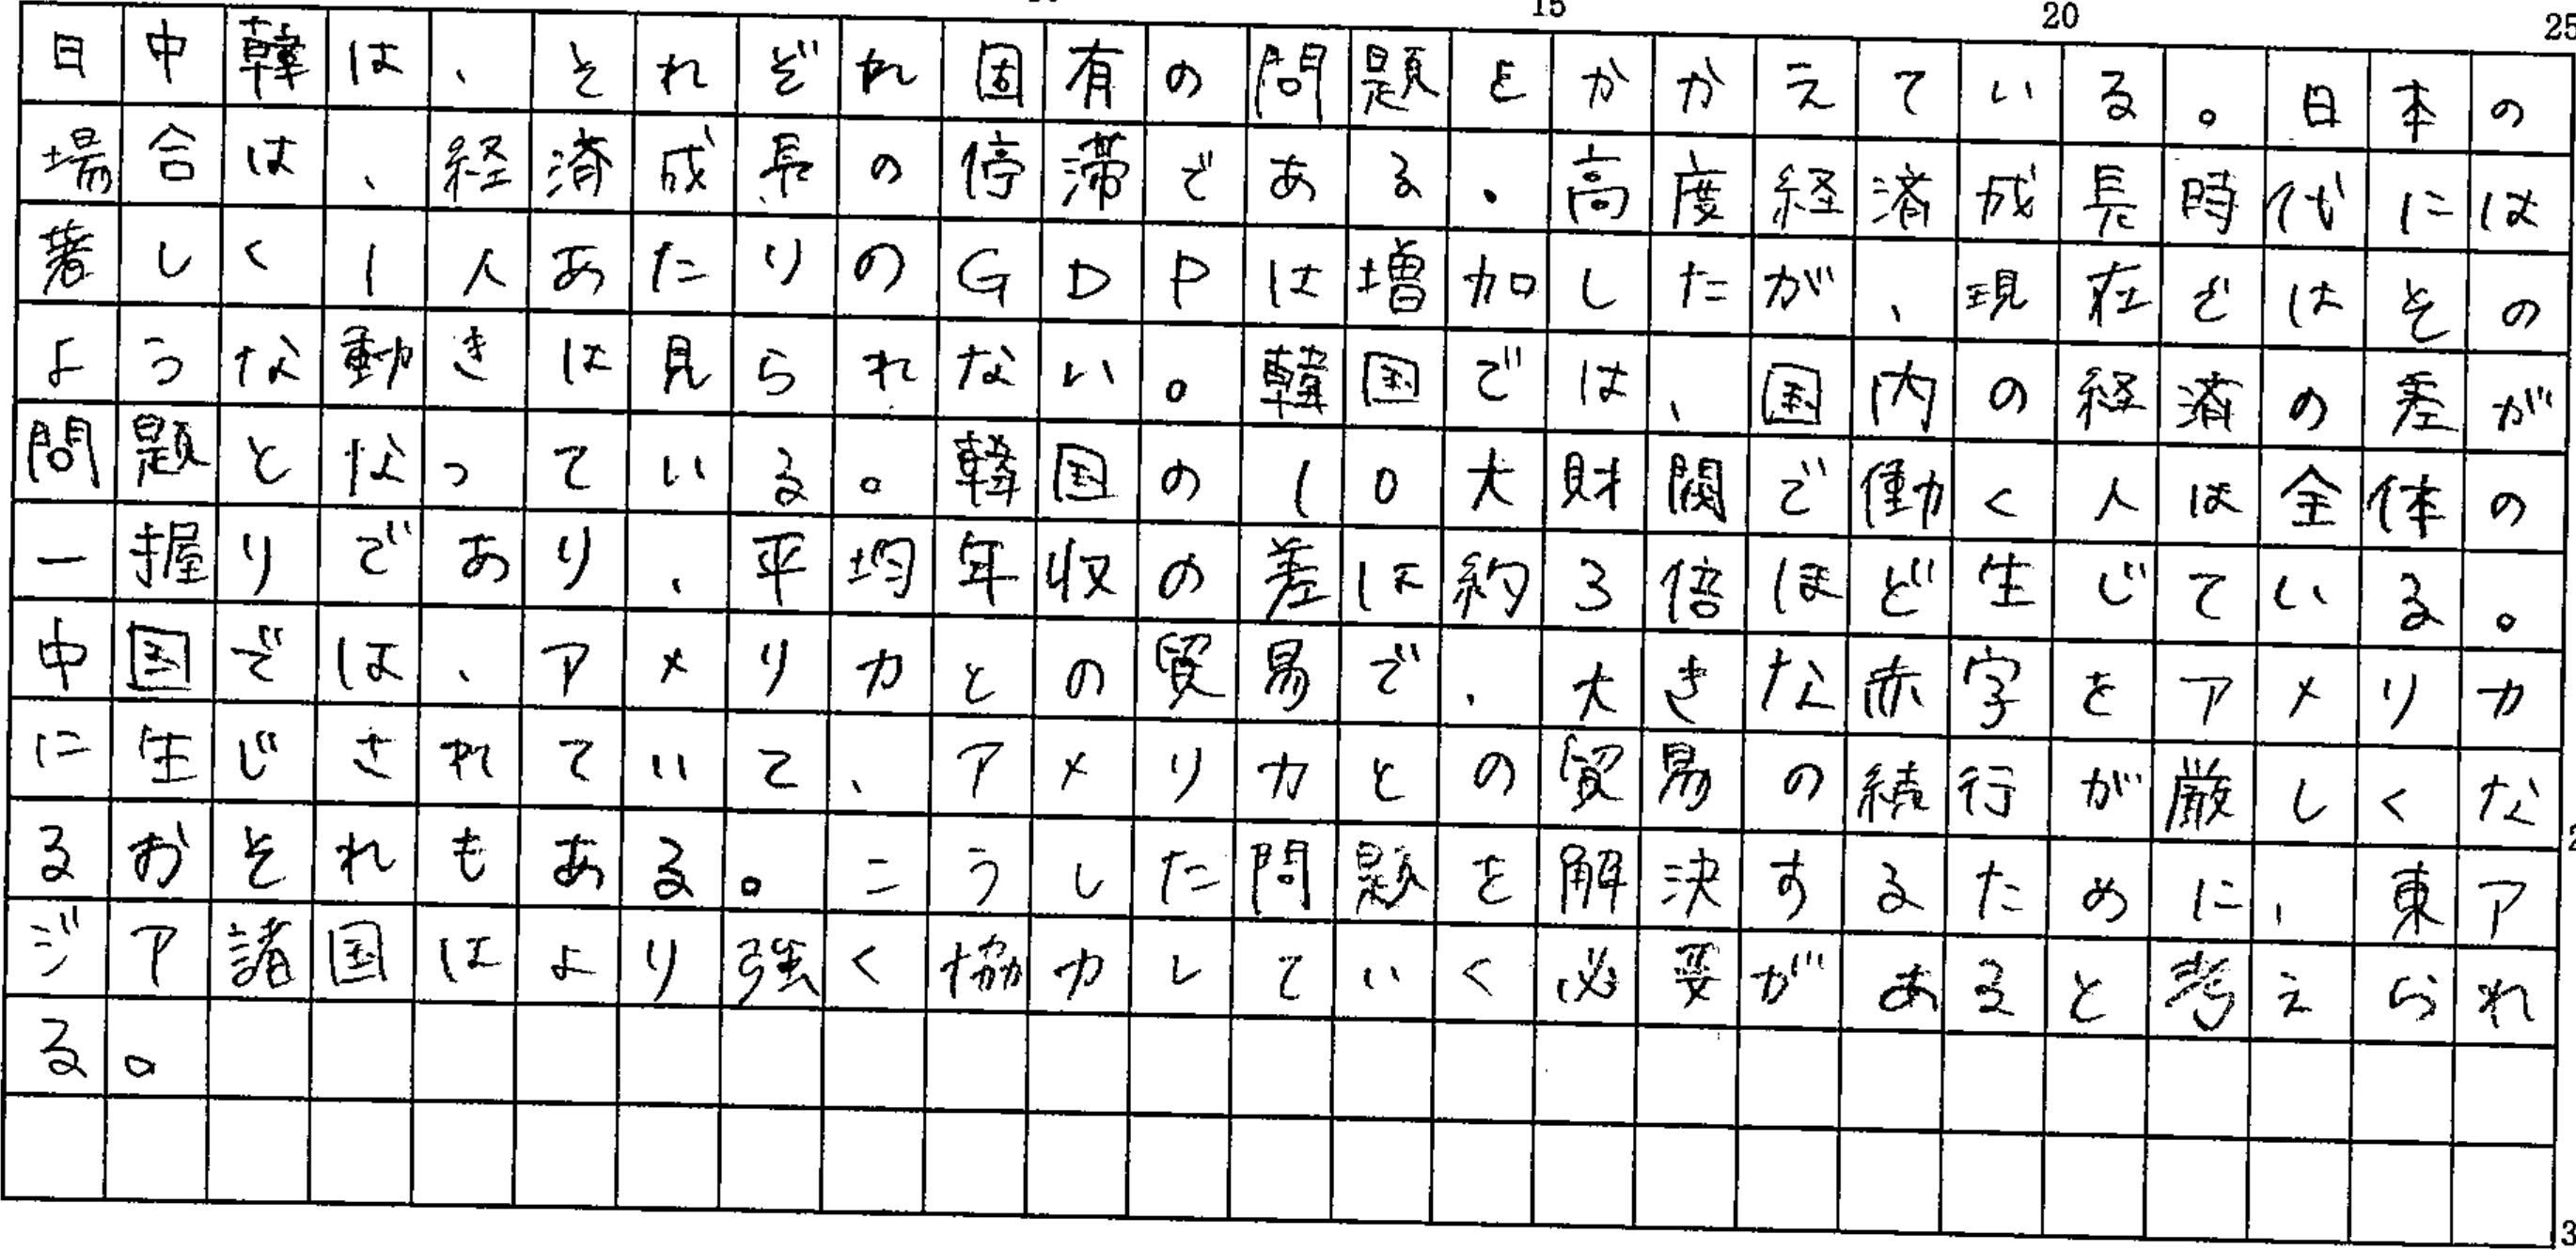日中韓は、それぞれ固有の問題をかかえている。日本の場合は、経済成長の停滞である。高度経済成長時代には著しく１人あたりのＧＤＰは増加したが、現在ではそのような動きは見られない。韓国では、国内の経済の差が問題となっている。韓国の１０大財閥で働く人は全体の一握りであり、平均年収の差は約３倍ほど生じている。中国では、アメリカとの貿易で、大きな赤字をアメリカに生じされていて、アメリカとの貿易の続行が厳しくなるおそれもある。こうした問題を解決するために、東アジア諸国はより強く協力していく必要があると考えられる。
